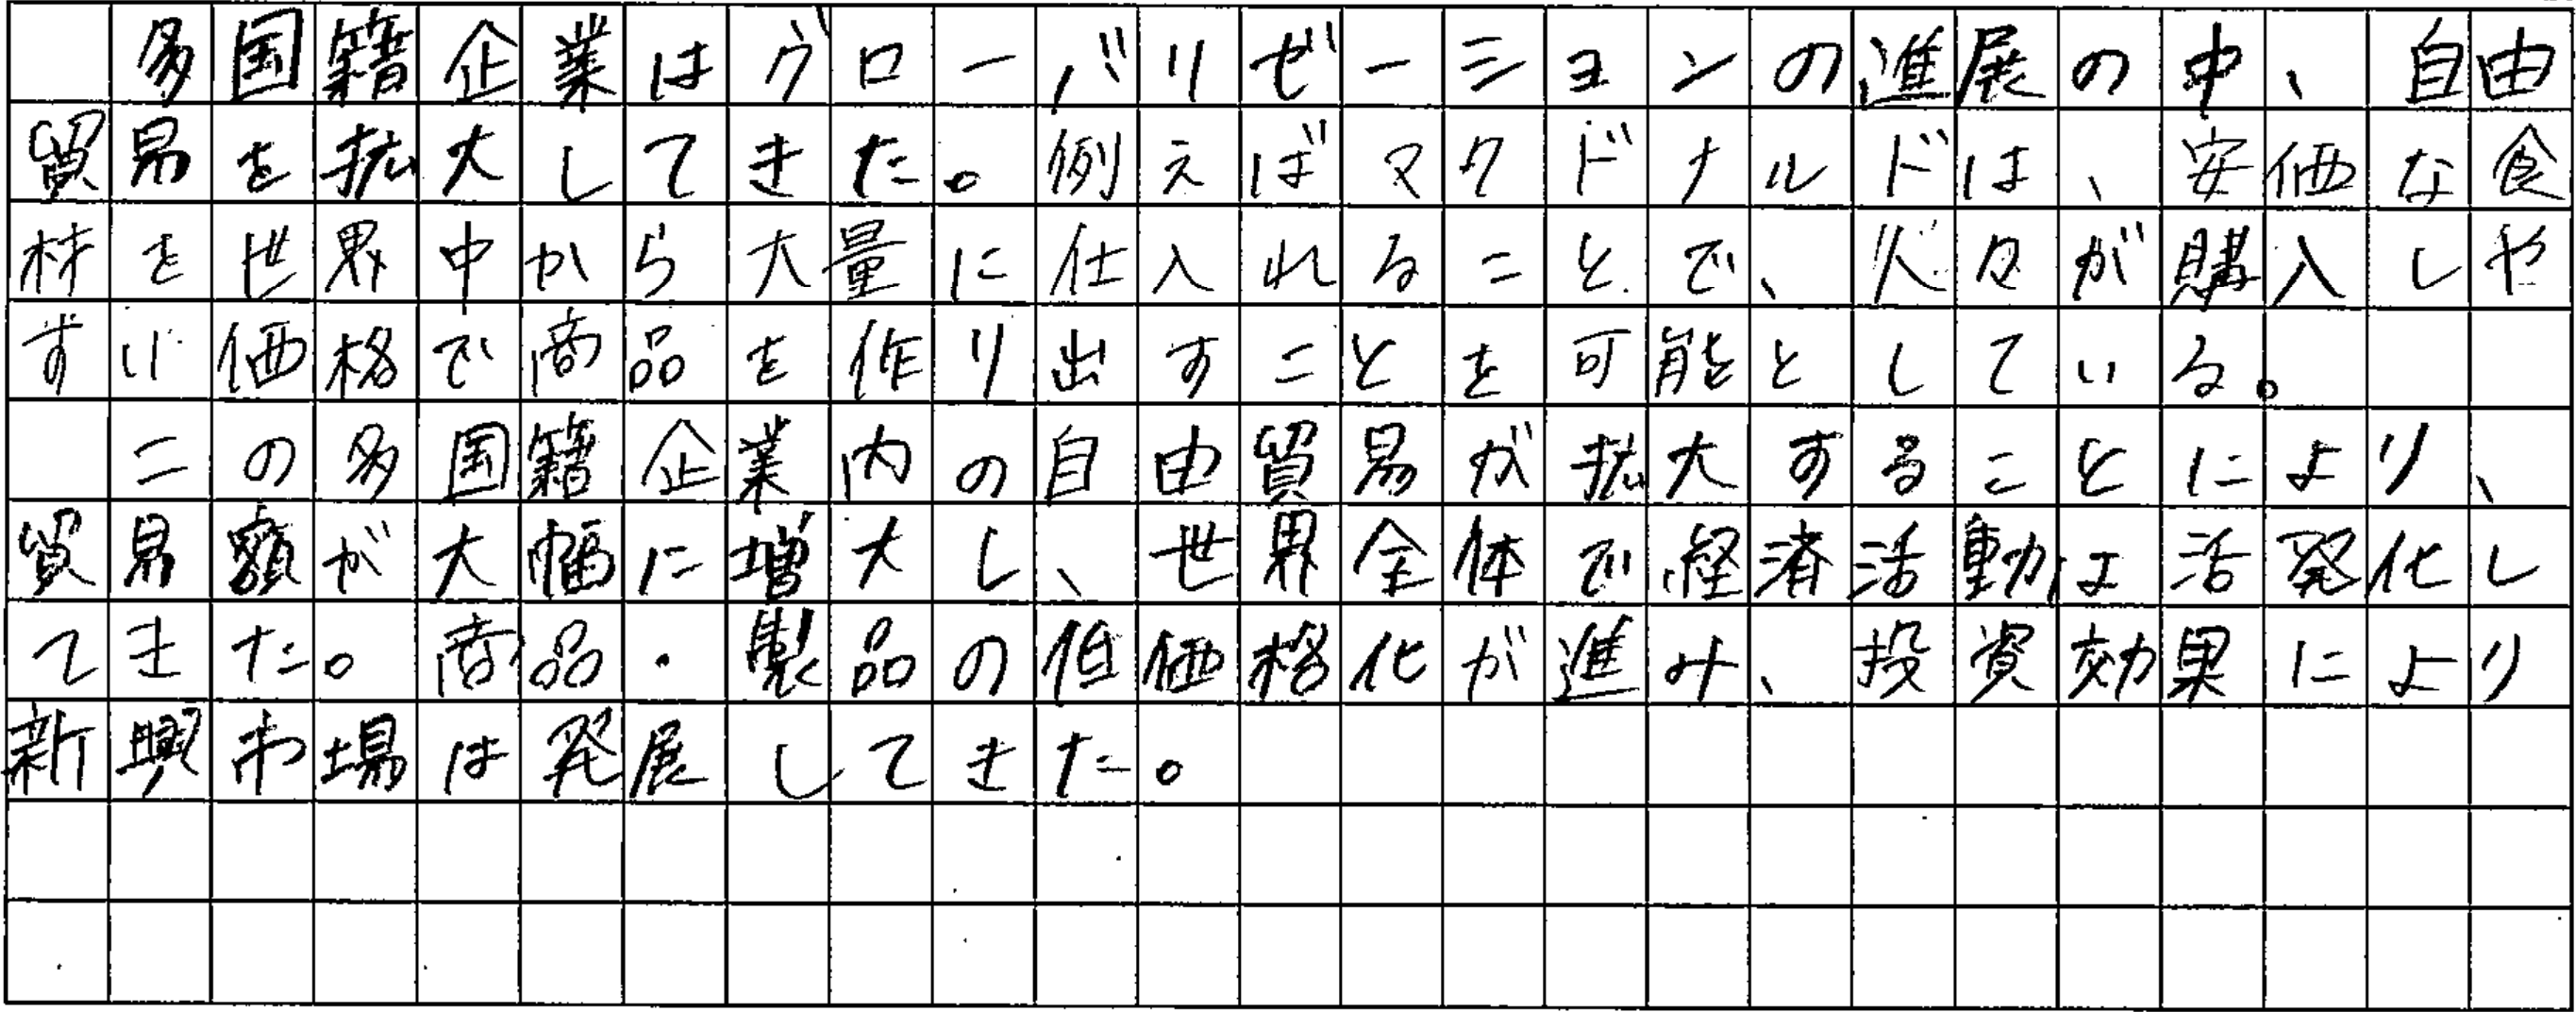　多国籍企業はグローバリゼーションの進展の中、自由貿易を拡大してきた。例えばマクドナルドは、安価な食材を世界中から大量に仕入れることで、人々が購入しやすい価格で商品を作り出すことを可能としている。
　この多国籍企業内の自由貿易が拡大することにより、貿易額が大幅に増大し、世界全体で経済活動は活発化してきた。商品・製品の低価格化が進み、投資効果により新興市場は発展してきた。
